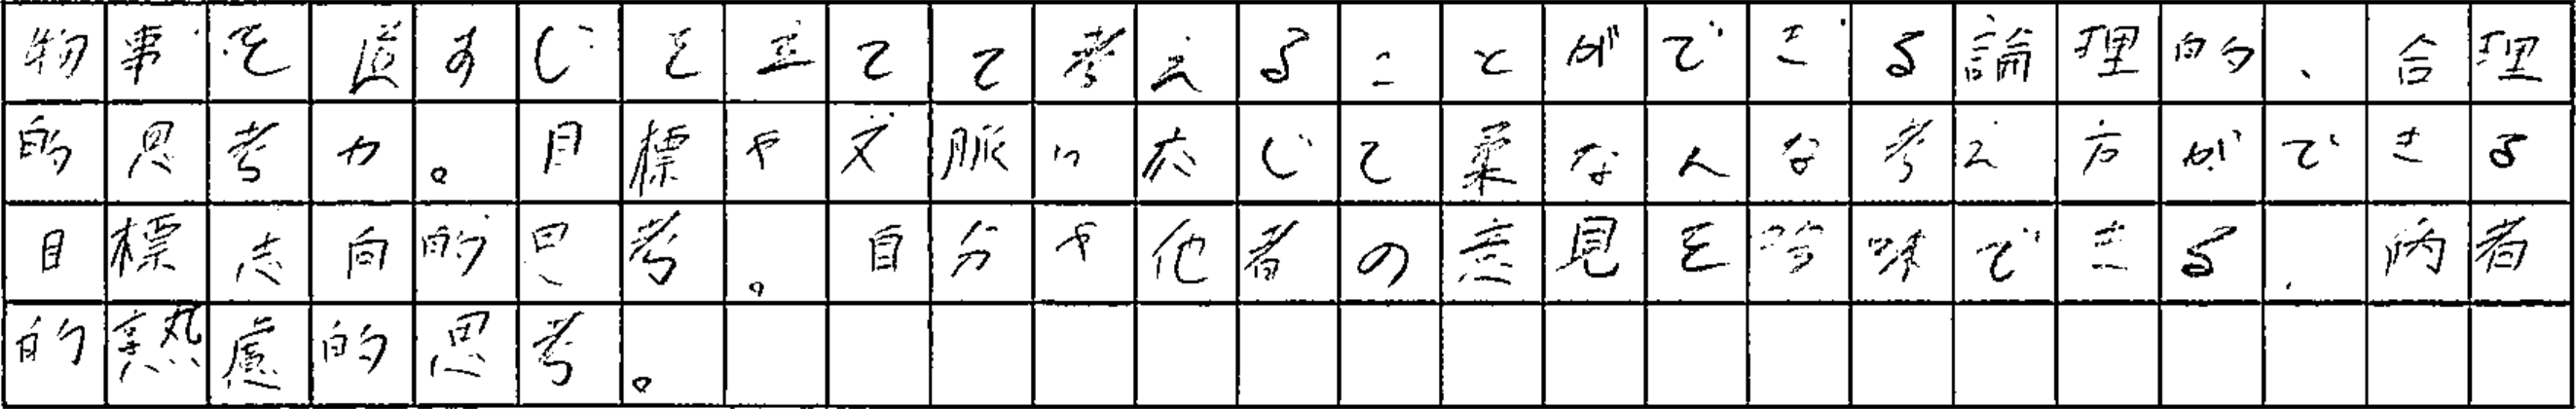物事を道すじを立てて考えることができる論理的、合理的思考力。目標や文脈に応じて柔なんな考え方ができる目標志向的思考。自分や他者の意見を吟味できる　内省的熟慮的思考。
